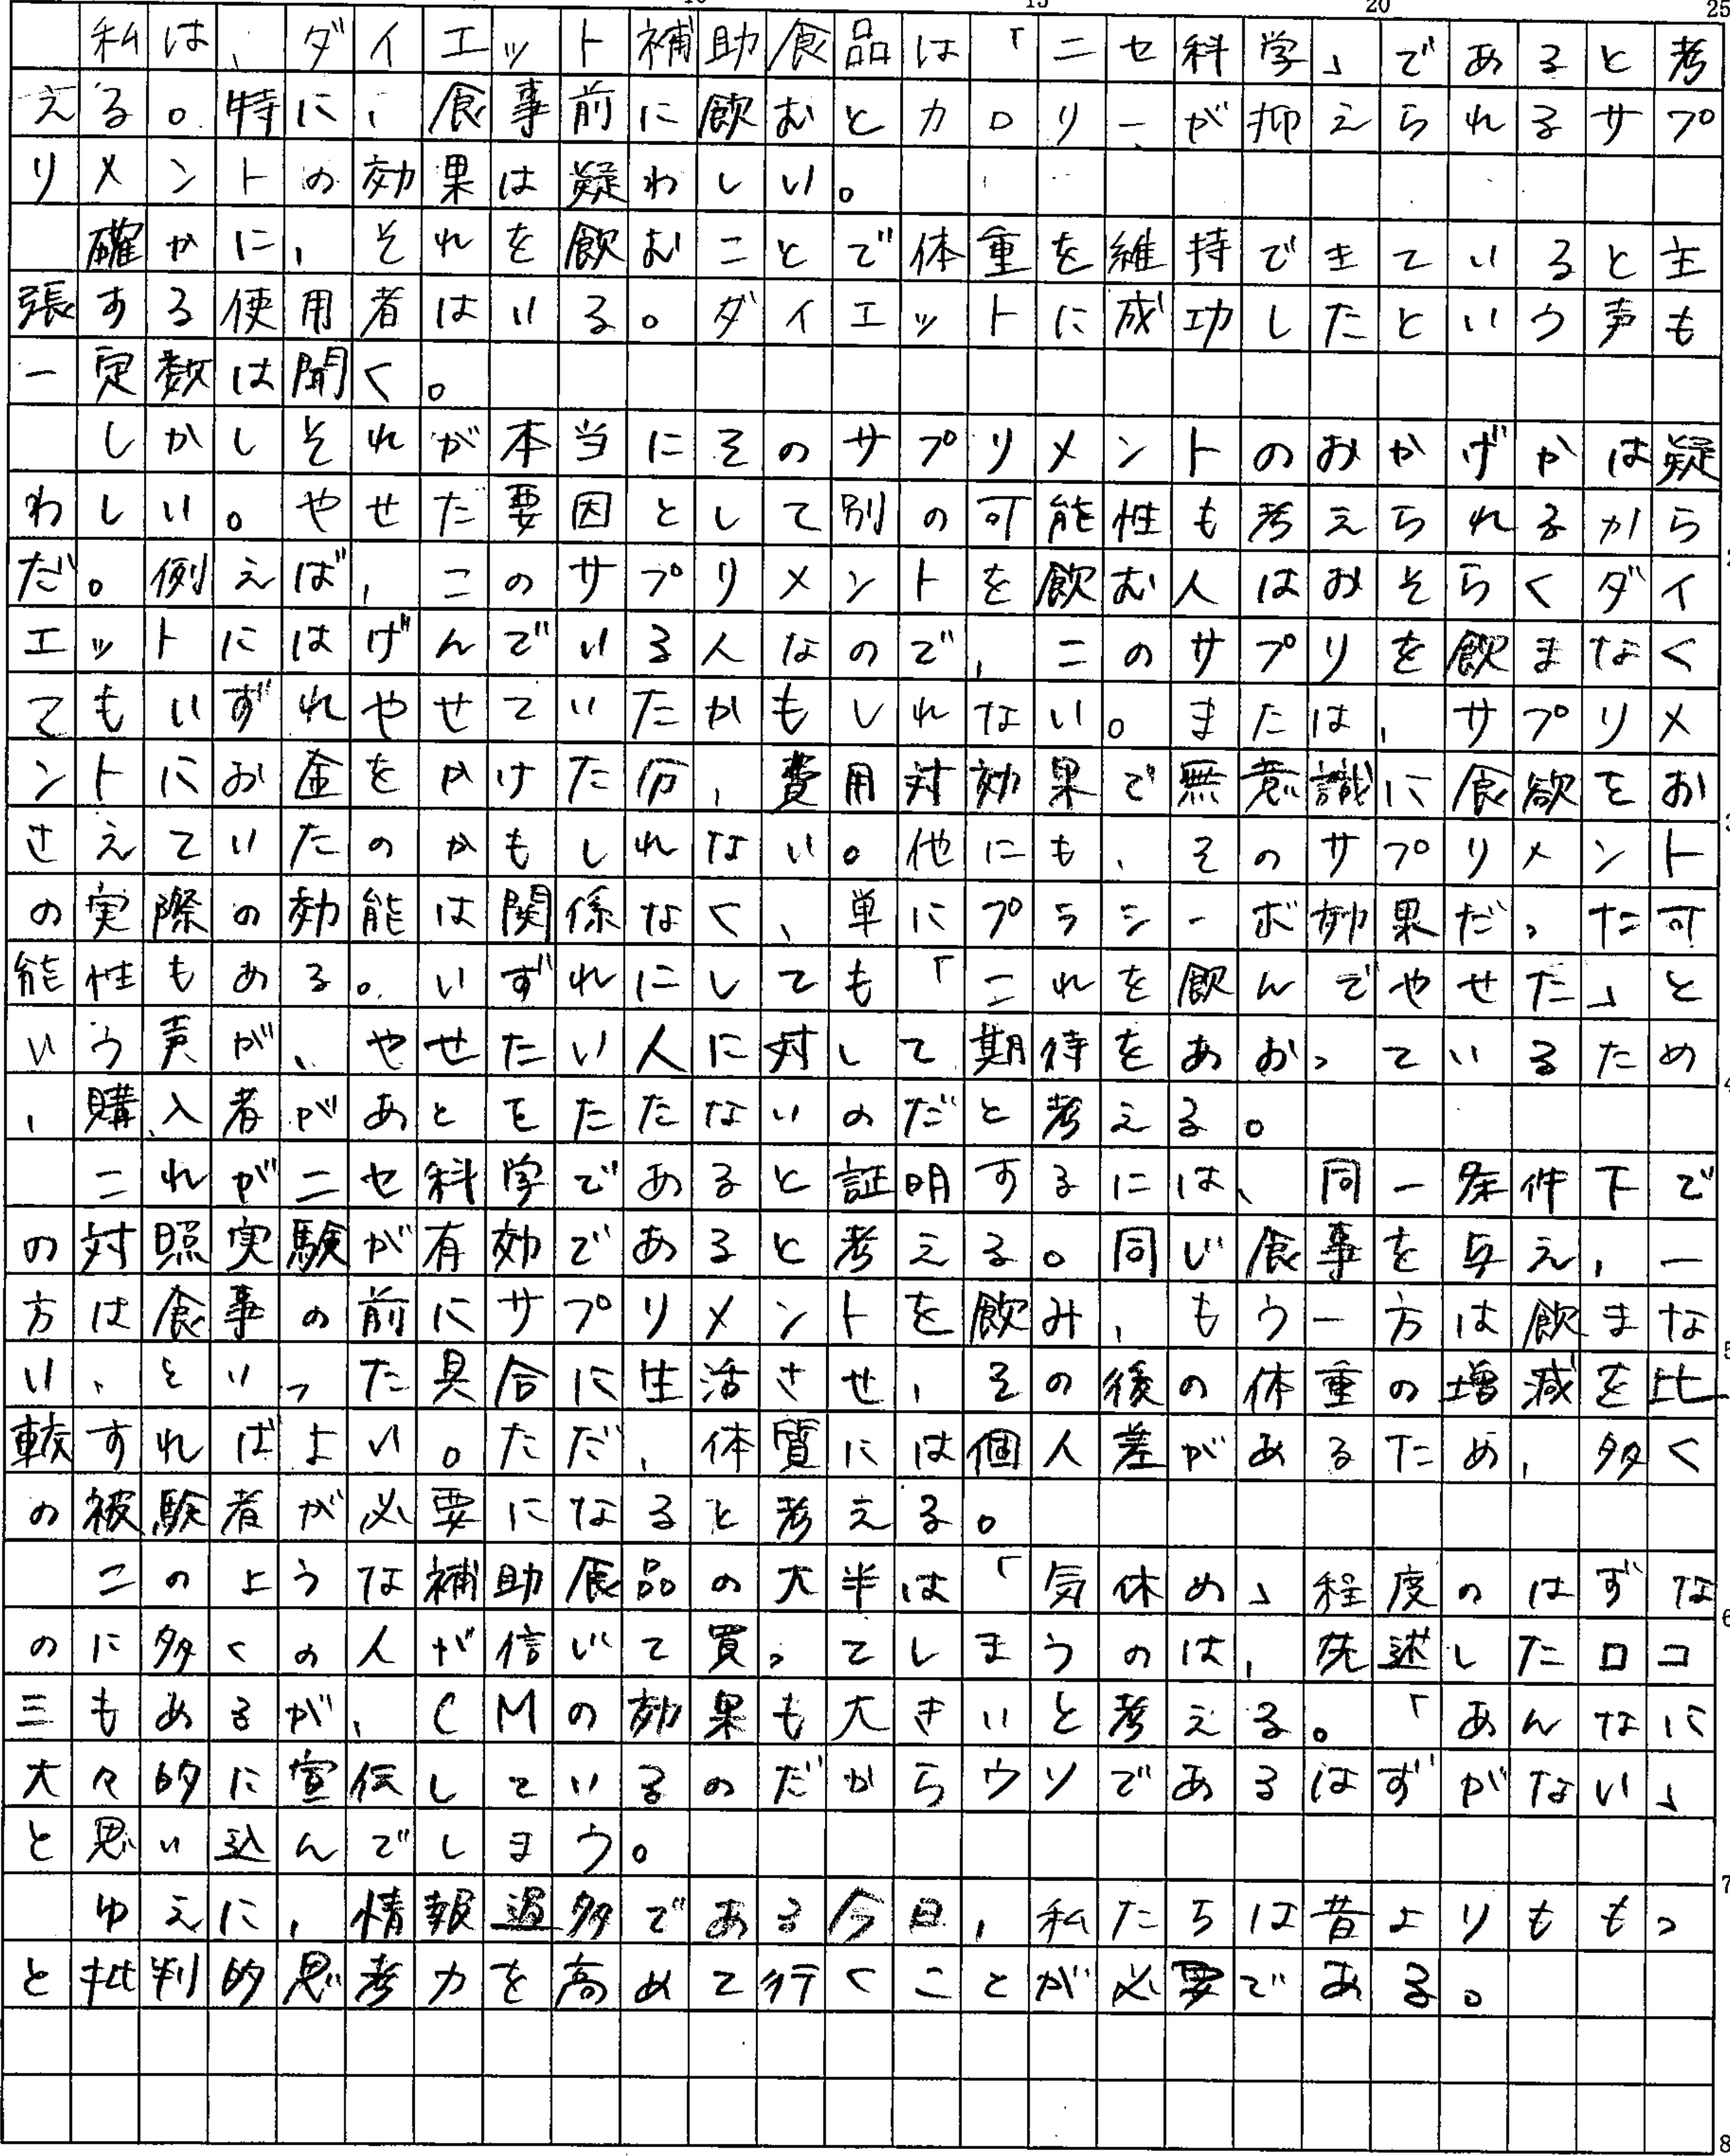　私は、ダイエット補助食品は「ニセ科学」であると考える。特に、食事前に飲むとカロリーが抑えられるサプリメントの効果は疑わしい。
　確かに、それを飲むことで体重を維持できていると主張する使用者はいる。ダイエットに成功したという声も一定数は聞く。
　しかしそれが本当にそのサプリメントのおかげかは疑わしい。やせた要因として別の可能性も考えられるからだ。例えば、このサプリメントを飲む人はおそらくダイエットにはげんでいる人なので、このサプリを飲まなくてもいずれやせていたかもしれない。または、サプリメントにお金をかけた分、費用対効果で無意識に食欲をおさえていたのかもしれない。他にも、そのサプリメントの実際の効能は関係なく、単にプラシーボ効果だった可能性もある。いずれにしても「これを飲んでやせた」という声が、やせたい人に対して期待をあおっているため、購入者があとをたたないのだと考える。
　これがニセ科学であると証明するには、同一条件下での対照実験が有効であると考える。同じ食事を与え、一方は食事の前にサプリメントを飲み、もう一方は飲まない、といった具合に生活させ、その後の体重の増減を比較すればよい。ただ、体質には個人差があるため、多くの被験者が必要になると考える。
　このような補助食品の大半は「気休め」程度のはずなのに多くの人が信じて買ってしまうのは、先述した口コミもあるが、ＣＭの効果も大きいと考える。「あんなに大々的に宣伝しているのだからウソであるはずがない」と思い込んでしまう。
　ゆえに、情報過多である今日、私たちは昔よりももっと批判的思考力を高めて行くことが必要である。
